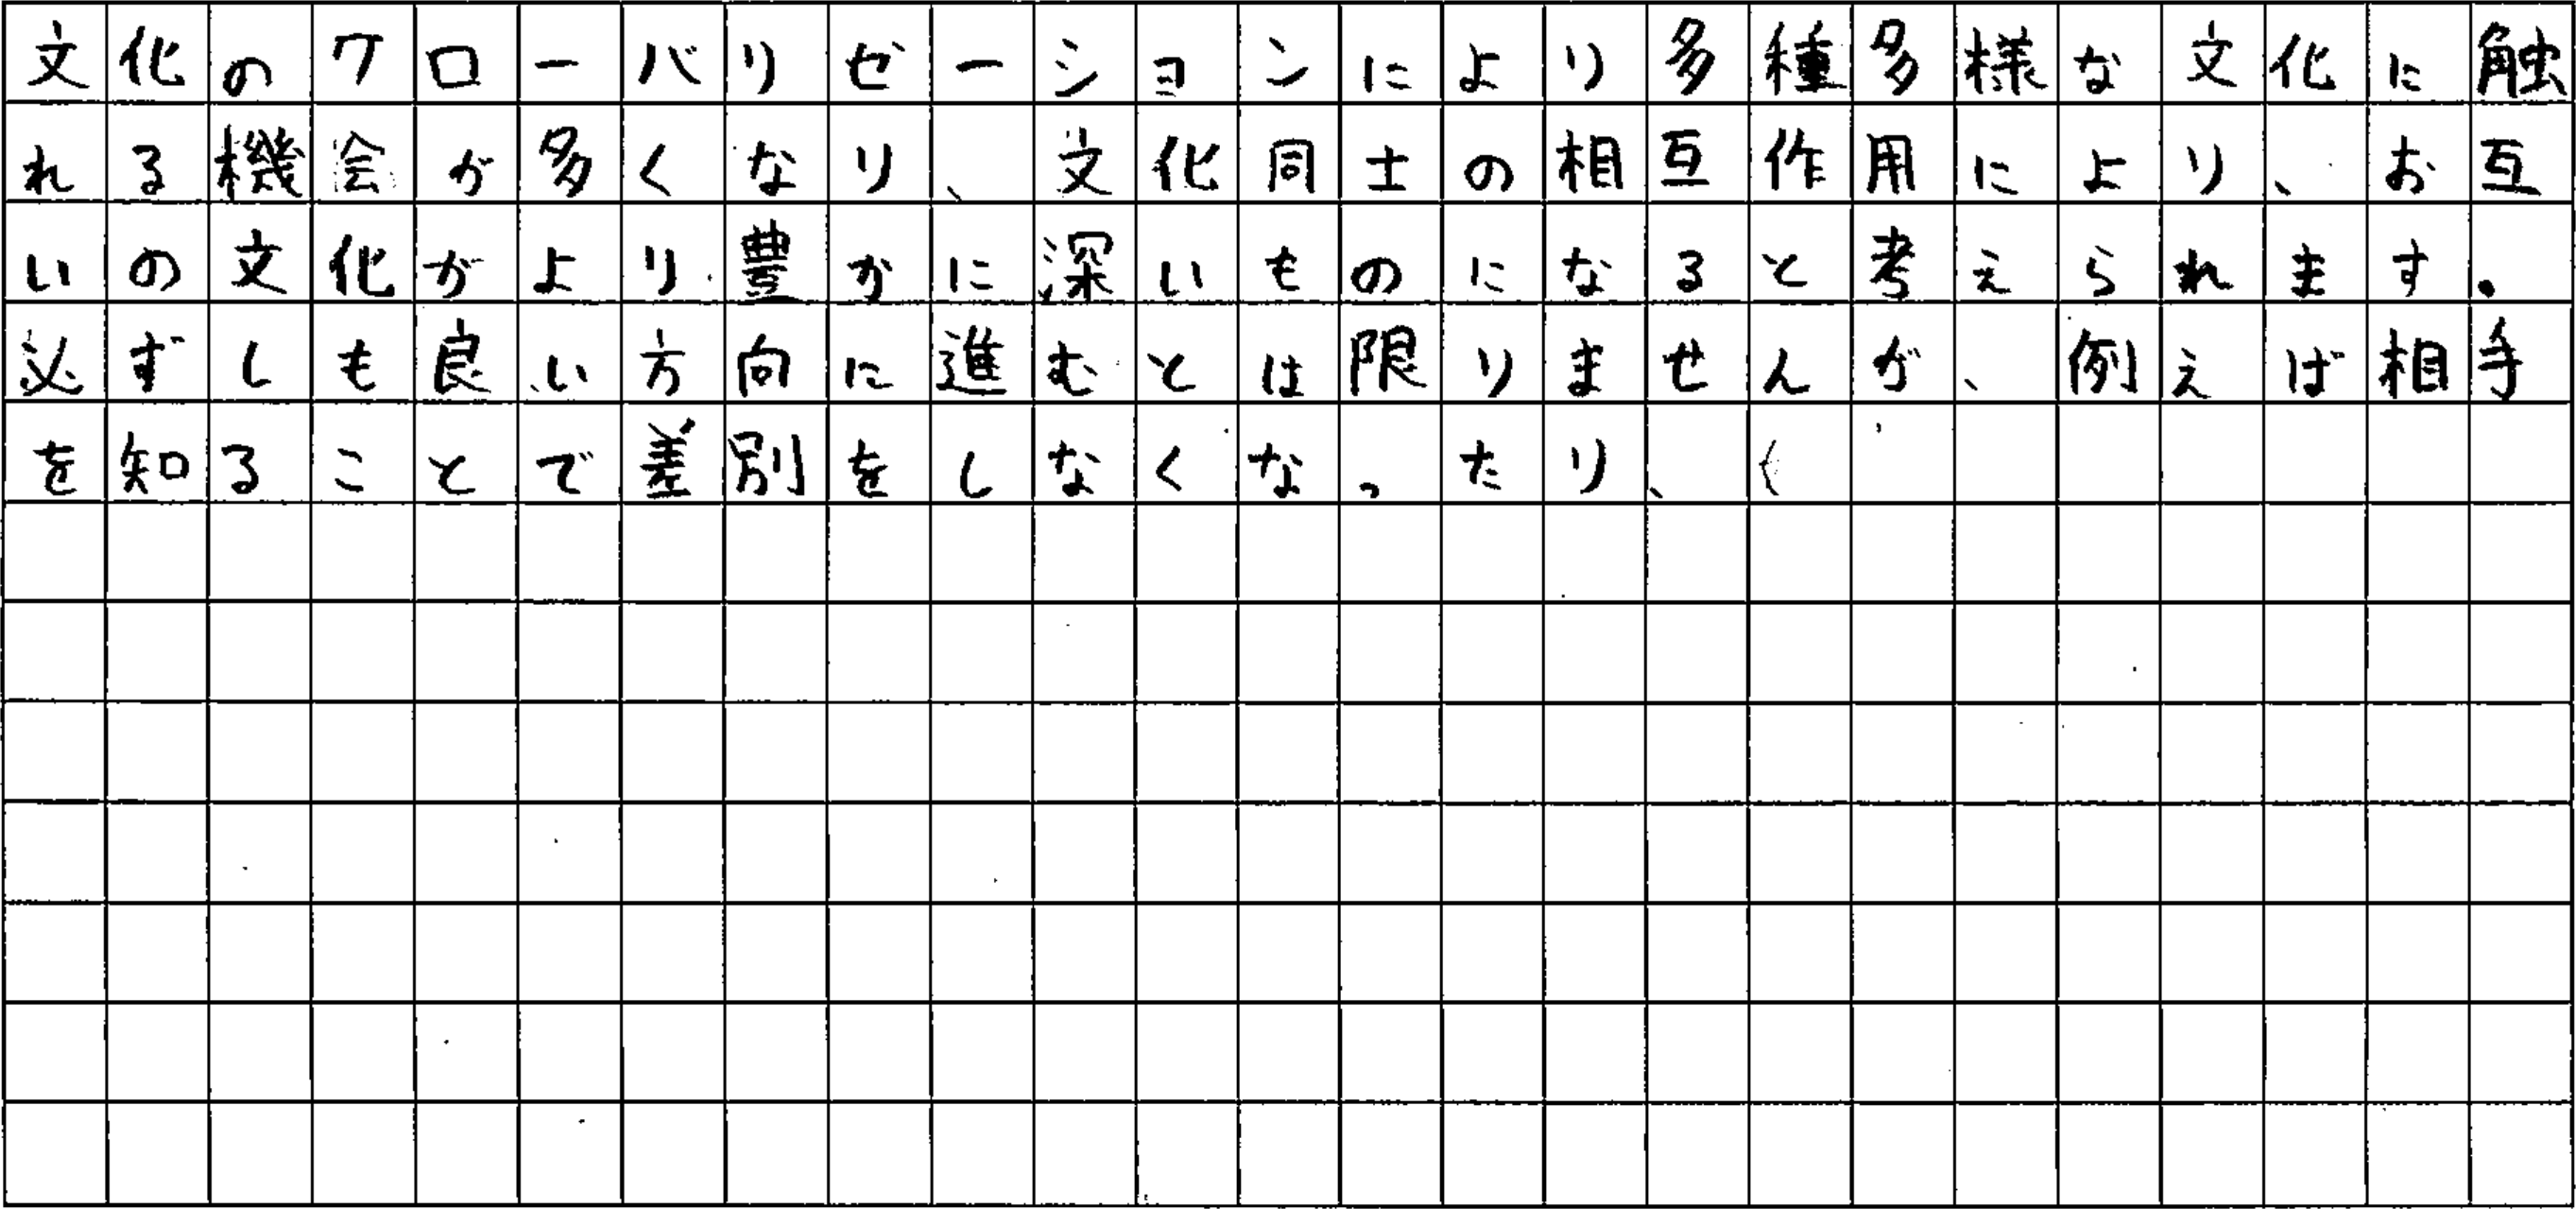文化のグローバリゼーションにより多種多様な文化に触れる機会が多くなり、文化同士の相互作用により、お互いの文化がより豊かに深いものになると考えられます。必ずしも良い方向に進むとは限りませんが、例えば相手を知ることで差別をしなくなったり、
